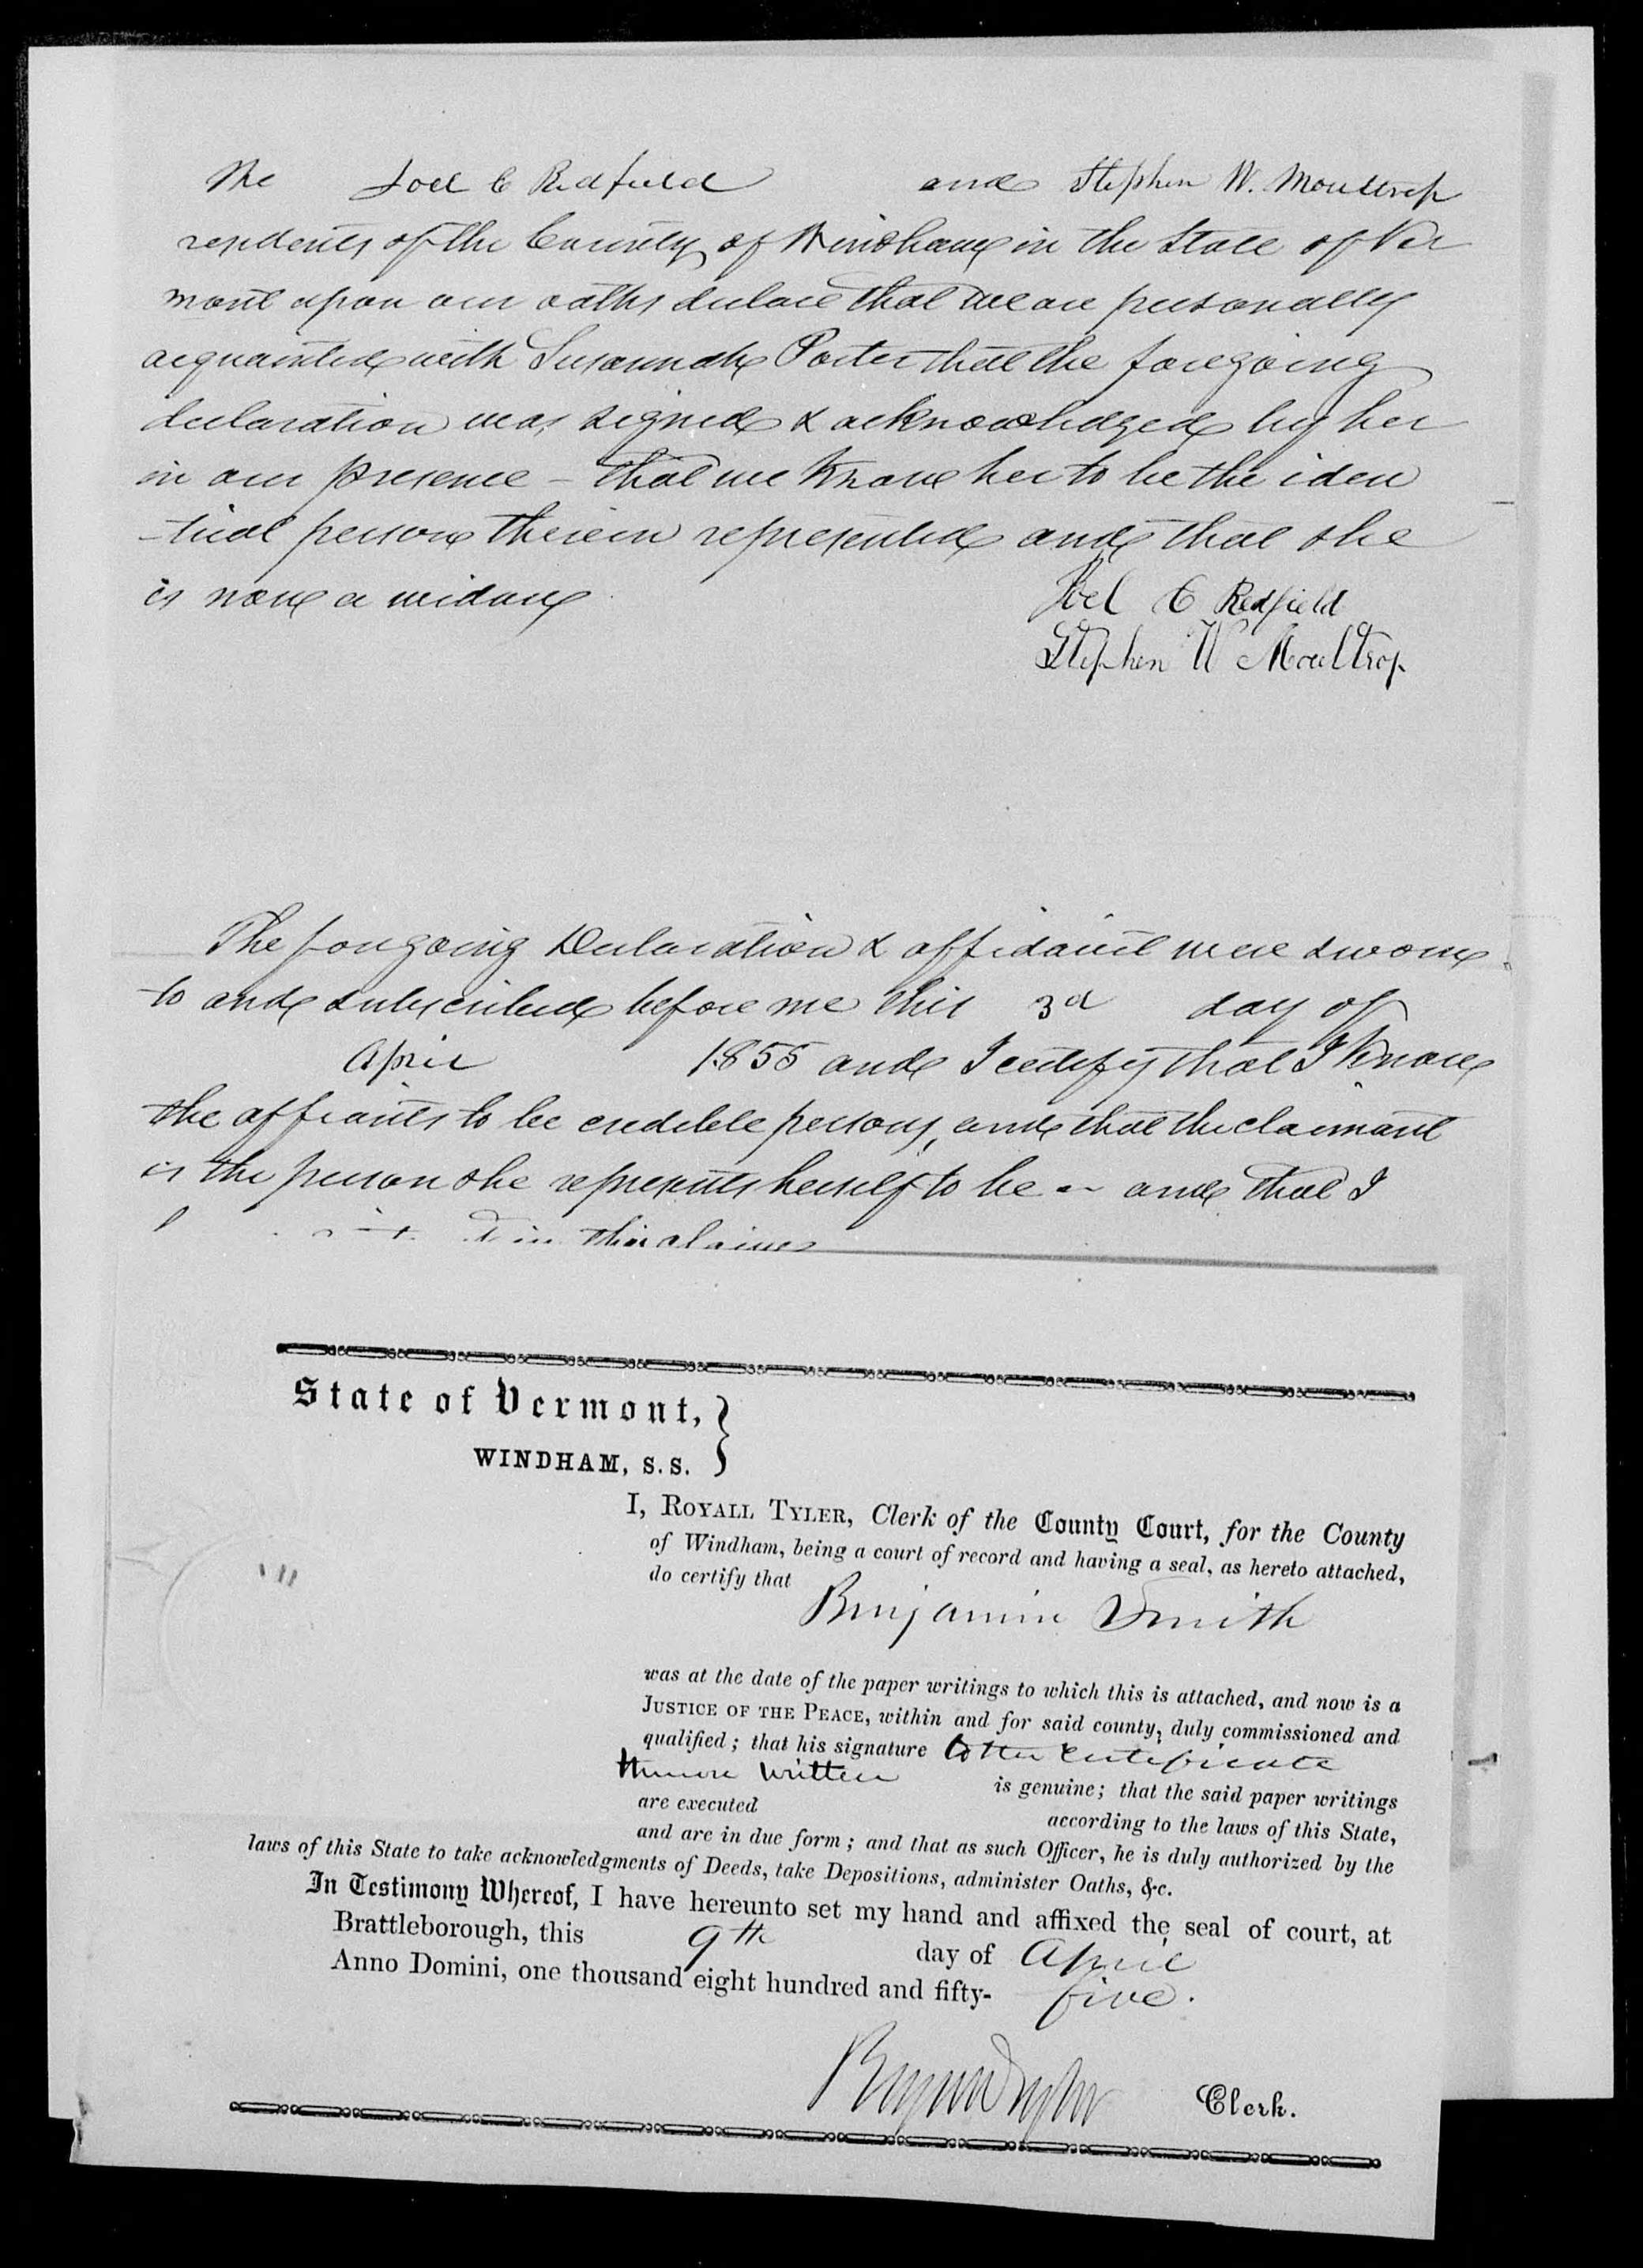We Joel C Redfield and Stephen W. Moultrop residents of the County of Windham in the State of Vermont upon our oaths declare that we are personally acquainted with Susannah Porter that the foregoing declaration was signed & acknowledged by her in our presence - that we know her to be the identical person therein represented and that she is now a widow
Hel C Redfield
Stephen W Moultrop

The foregoing Declaration & affidavit were sworn to and subscribed before me this 3d day of April 1855 and I certify that I know the affiants to be credible persons and that the claimant is the person she represents herself to be - and that I [text is covered by another document] in their claims

State of Vermont,
WINDHAM, S. S.
I, ROYALL TYLER, Clerk of the County Court for the County
of Windham, being a court of record and having a seal, as hereto attached, do certify that
Benjamin Smith was at the date of the paper writings to which this is attached, and now is a JUSTICE OF THE PEACE, within and for said county, commissioned and qualified; that his signature to the certificate thereon written is genuine; that the said paper writings are executed according to the laws of this State, and are in due form; and that as such Officer, he is duly authorized by the laws of this State to take acknowledgments of Deeds, take Depositions, administer Oaths, &c.

In Testimony Whereof, I have hereunto set my hand and affixed the seal of Court, at Brattleborough, this
9th day of April Anno Domini, one thousand eight hundred and fifty-five
Royall Taylor Clerk.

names: Susannah Porter; Benjamin Smith; Stephen W Moultrop; Royall Tyler; Joel C Redfield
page: 24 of 49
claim: widow's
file: W. 2164, for George Porter, Massachusetts